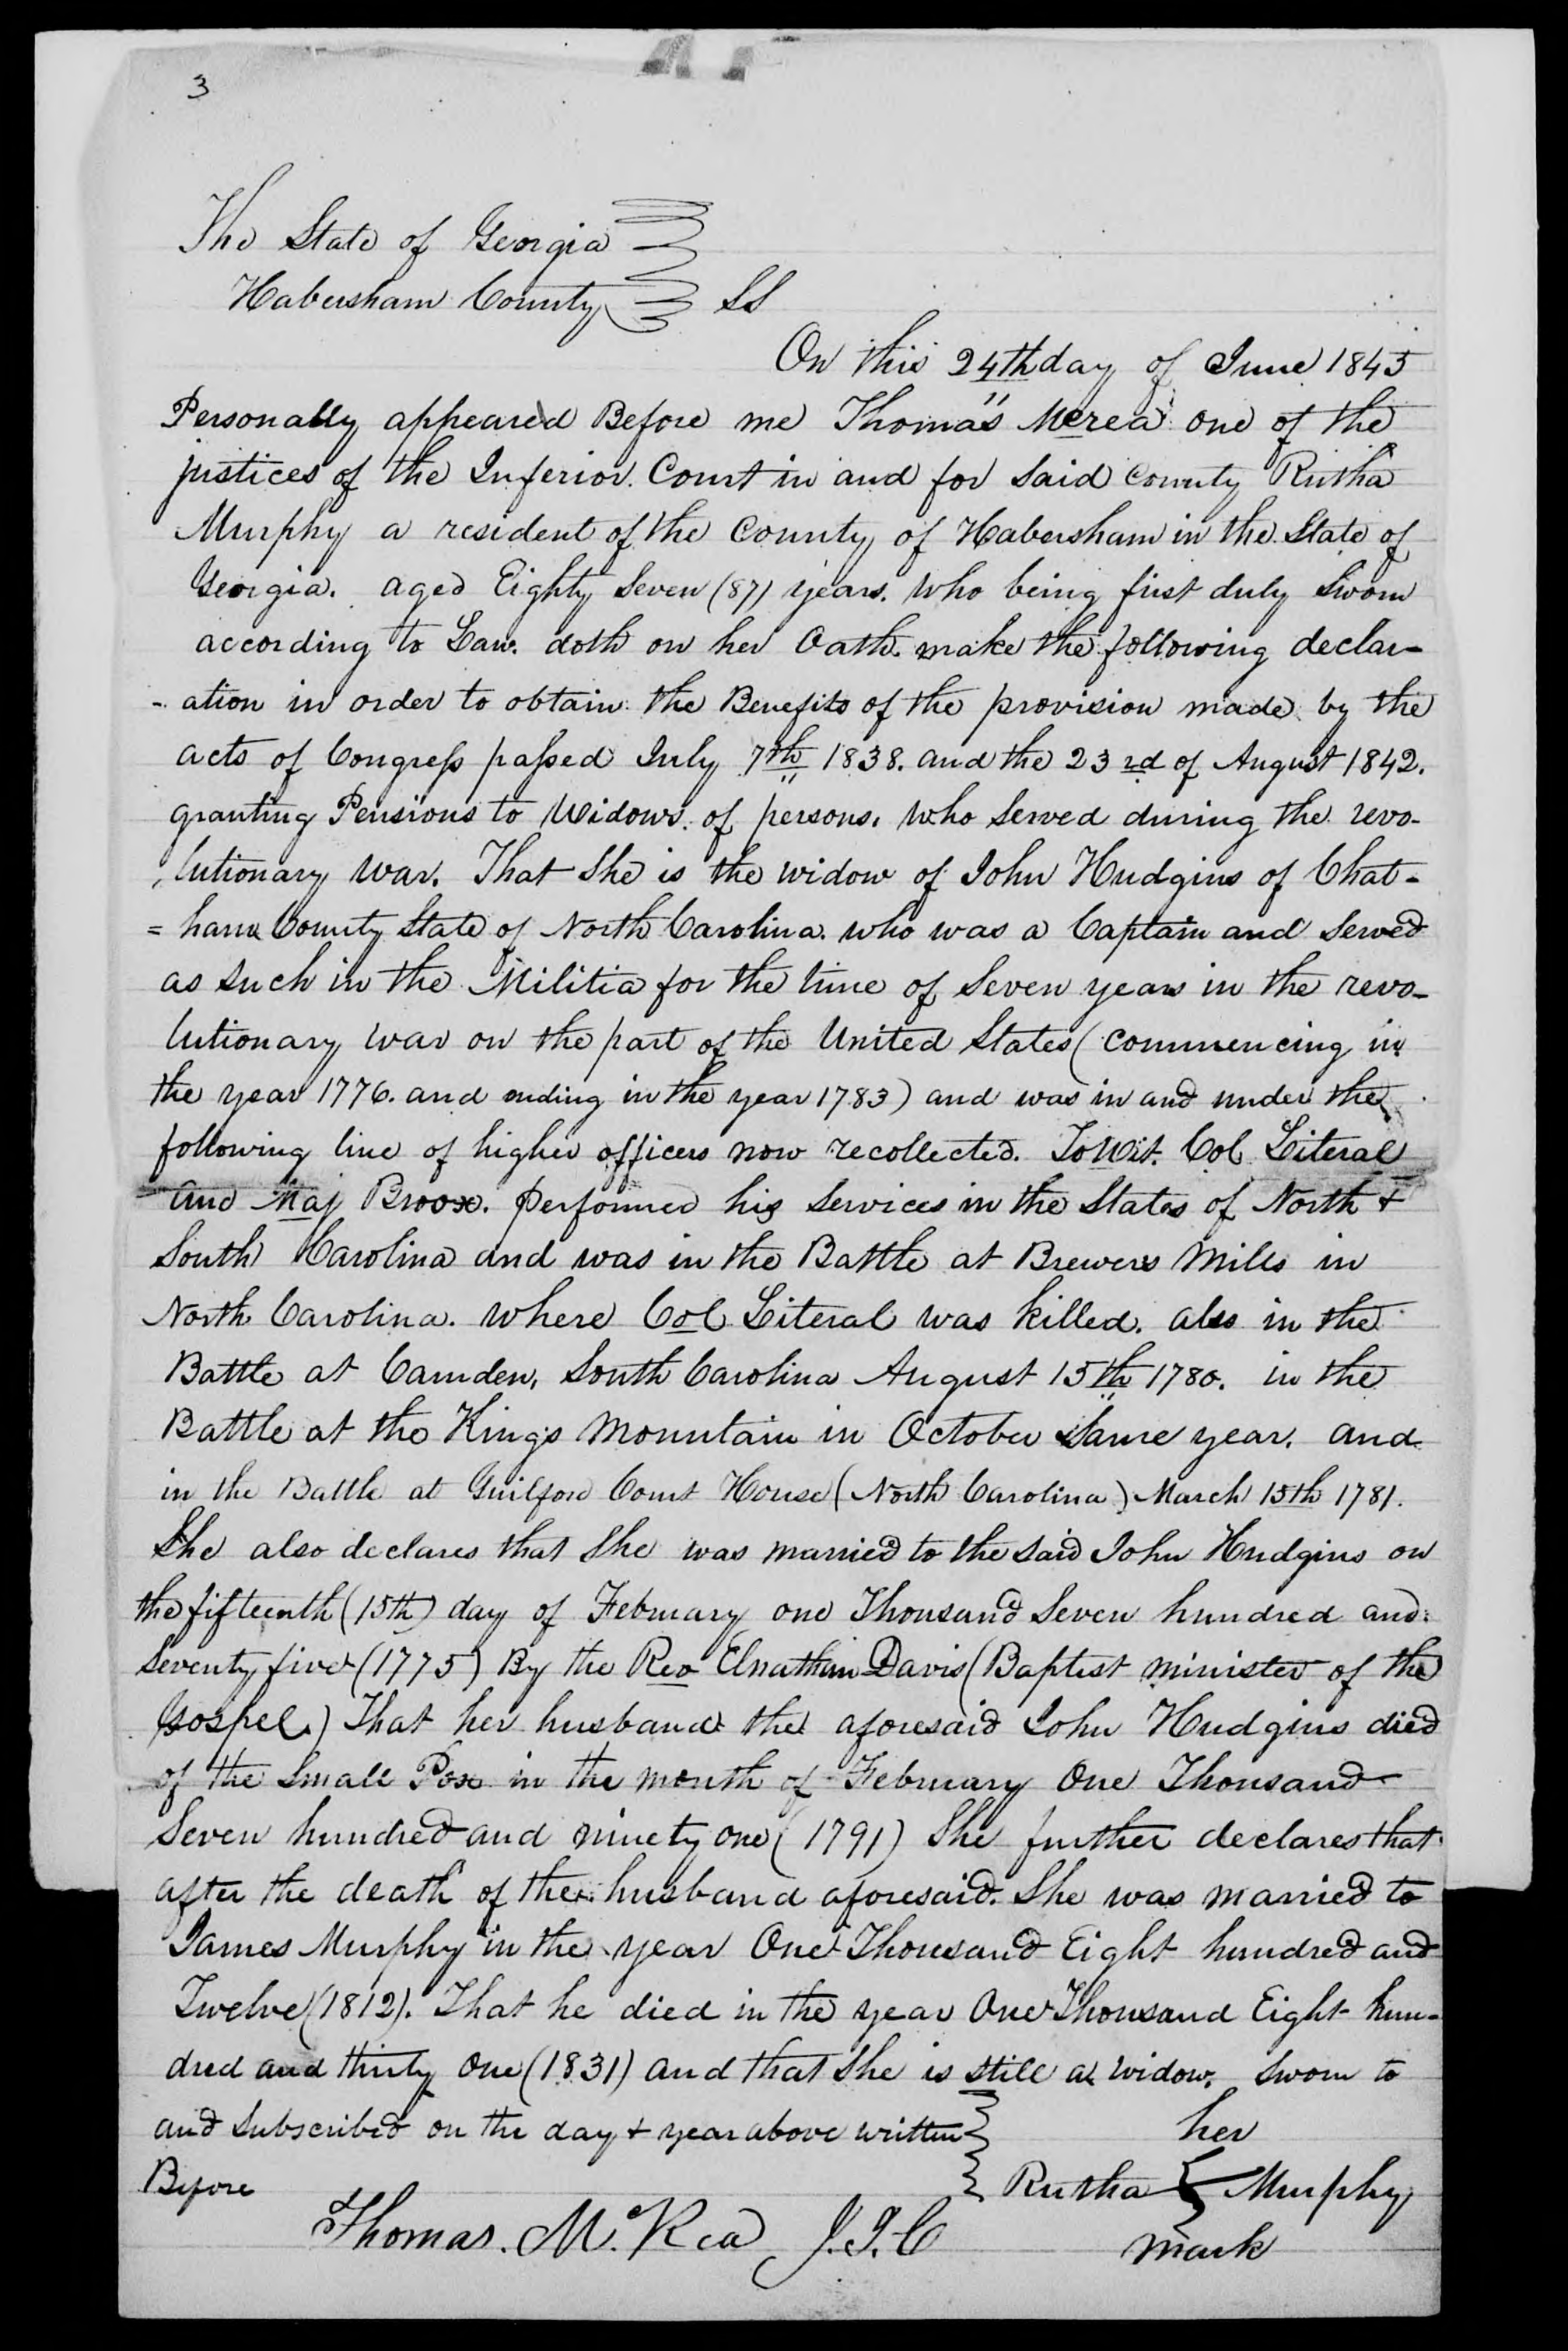The State of Georgia
Wabashaw County (vertical squiggle line) then initials SS

On this 24th day of June 1845 personally appeared before me Thomas McRea one of the justices of the Inferior Court in and for said county Rutha Murphy a resident of the county of Wabersham in the State of Georgia aged eighty seven (87) years who being first duty sworn according to Law doth on her oath make the following declaration in order to obtain the benefits of the provision made by the acts of congress passed July 7th 1838. And the 23rd of  August 1842.granting pensions to widows of persons who serve during the revolutionary war. That she is the widow of John Hudgins of Chatham County State of North Carolina who was a Captain and served as such in the militia for the time of seven years in the revolutionary war on the part of the United States(commencing in the year 1776 and ending in the year 1783) and was in and under the following line of higher officers now recollected ToWit. Col Literal and Maj Broon performed his services in the States of North and South Carolina and was in the Battle at Brewers Mills in North Carolina where Col Literal was killed. Also in the battle at Camden, South Carolina August 15th 1780. In the battle at the King’s Mountain in October same year. And in the battle at Guilford Court HOuse (North Carolina)March 15th 1781. She also declares that she was married to the said John Hudgins on the fifteenth (15th) day of February one thousand seven hundred and seventy five (1775) by the Rev Elmathin Davis (Baptist minister of the gospel) that her husband the aforesaid John Hudgins died of the small pox in the month of February one thousand seven hundred and ninety one (1791) She further declares that after the death of the husband aforesaid she was married to James Murphy in the year one thousand eight hundred and twelve (1812). That he died in the year one thousand eight-hundred and thirty one (1831) and that she is still a widow. Sworn to and subscribed on the day & year above written (squabble line vertically)
Rutha Murphy (she made her mark with an X)
Before
Thomas. M. Rea J.I.C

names: James Murphy, Broox, Literal, Rutha Murphy, Elnathan Davis, Thomas Mcrea, John Hudgins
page: 10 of 108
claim: rejected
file: R. 7,515, John Hudgins, N.C.